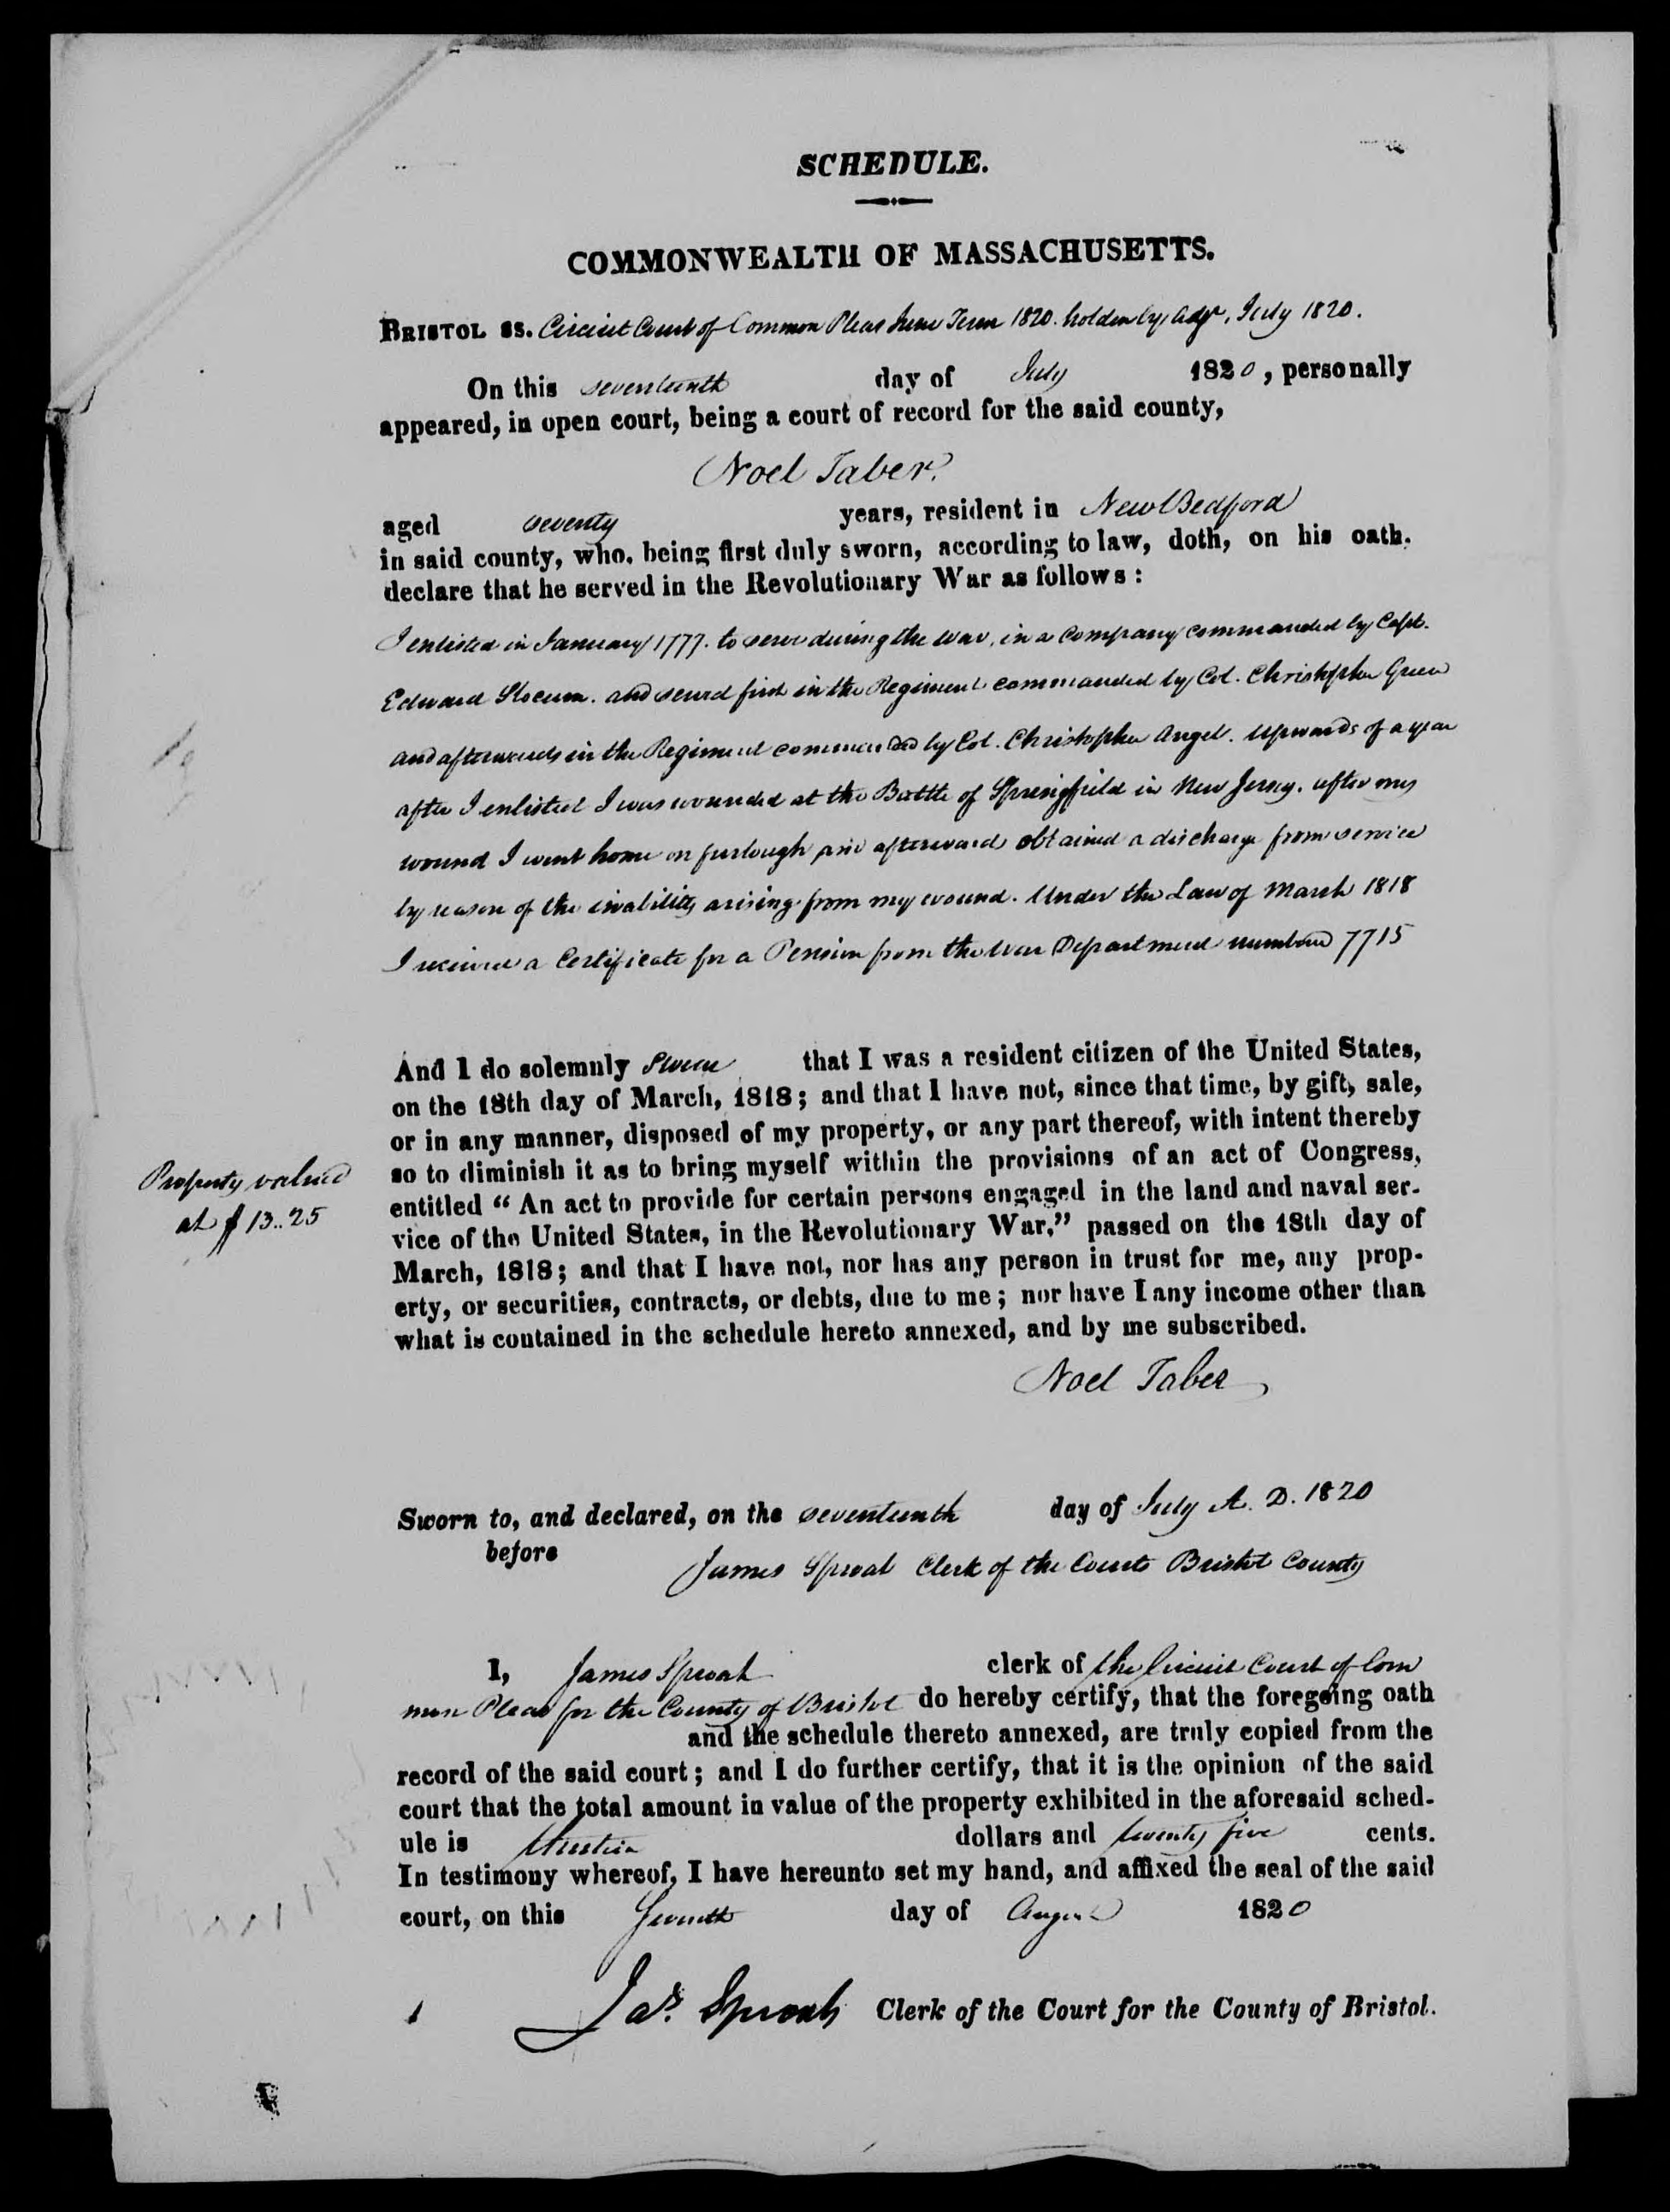SCHEDULE
COMMONWEALTH OF MASSACHUSETTS
Bristol ss. Circiut Court of Common Pleas June Term 1820 holden by adj. July 1820
On this seventeenth day of July 1820, personally
appearsed, in open court, being a court record for the said county,
Noel Taber
aged seventy years, resident in New Bedford
in said county, who, being first duly sworn, according to law, doth, on his oath
declare that he served in the Revolutionary War as follows:I enlisted in January 1777 to serve during the war in a company commaned by Capt
Edward Hocum and served first in the Regiment commanded by Col. Christopher Green
and afterwards in the Regiment commanded by Col. Christopher Angel upward of a year
after I enlisted I was wounded at the Battle of Springfield in New Jersey after my 
wound I went home on furlough and afterward obtained a discharge from service
by sworn of the inabilty arising from my wound. Under the Law of March 1818
I recieve a Certificate for a Pension from the War Department number 7715
And I do solemnly swear that I was a resident citizen of the United States
on the 18th day of March, 1818; and that I have not, since that time, by gift, sale,
or in any manner, disposed of my property, or any part therof, with intent thereby
so to diminish it as to bring myself within the provisions of an act of Congress,
entitled "An act to provide for certain persons engaged in the land and naval ser
vice of the United States, in the Revolutionary War," passed on the 18th day ofMarch 1818; and that I have not, nor has any person in trust for me, any prop
erty, oe securieties, contracts, or debts, due to me; nor have I any income other thanwhat is contained in the schedule hereto annexed, and by me subscribed. Property valued
at $13.25
Noel Taber
Sworn to, and declared, on the seventeenth day of July A. D. 1820
before James [illegible] Clerk of the Court Bristol County
I, James [illegible] clerk of the Judicial Court of Com
mon Pleas for the County of Bristol do hereby certify, that the foregoing oath
and the schedule thereto annexed, are truly copied fro  therecord of the said court; and I do further certify, that it is the opinion of said
court that the total amount in value of the property exhibited in the foresaid sched
ule is thirteen dollars and twenty five cents.
In testimoney wherof, I have hereunto set my hand, and affixed the seal of the said
court, on this Seventh day of August 1820
Jas. [illegible] Clerk of the Court for the County of Bristol.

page: 9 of 22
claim: survivor's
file: S 33777, for Noel Taber, Rhode Island